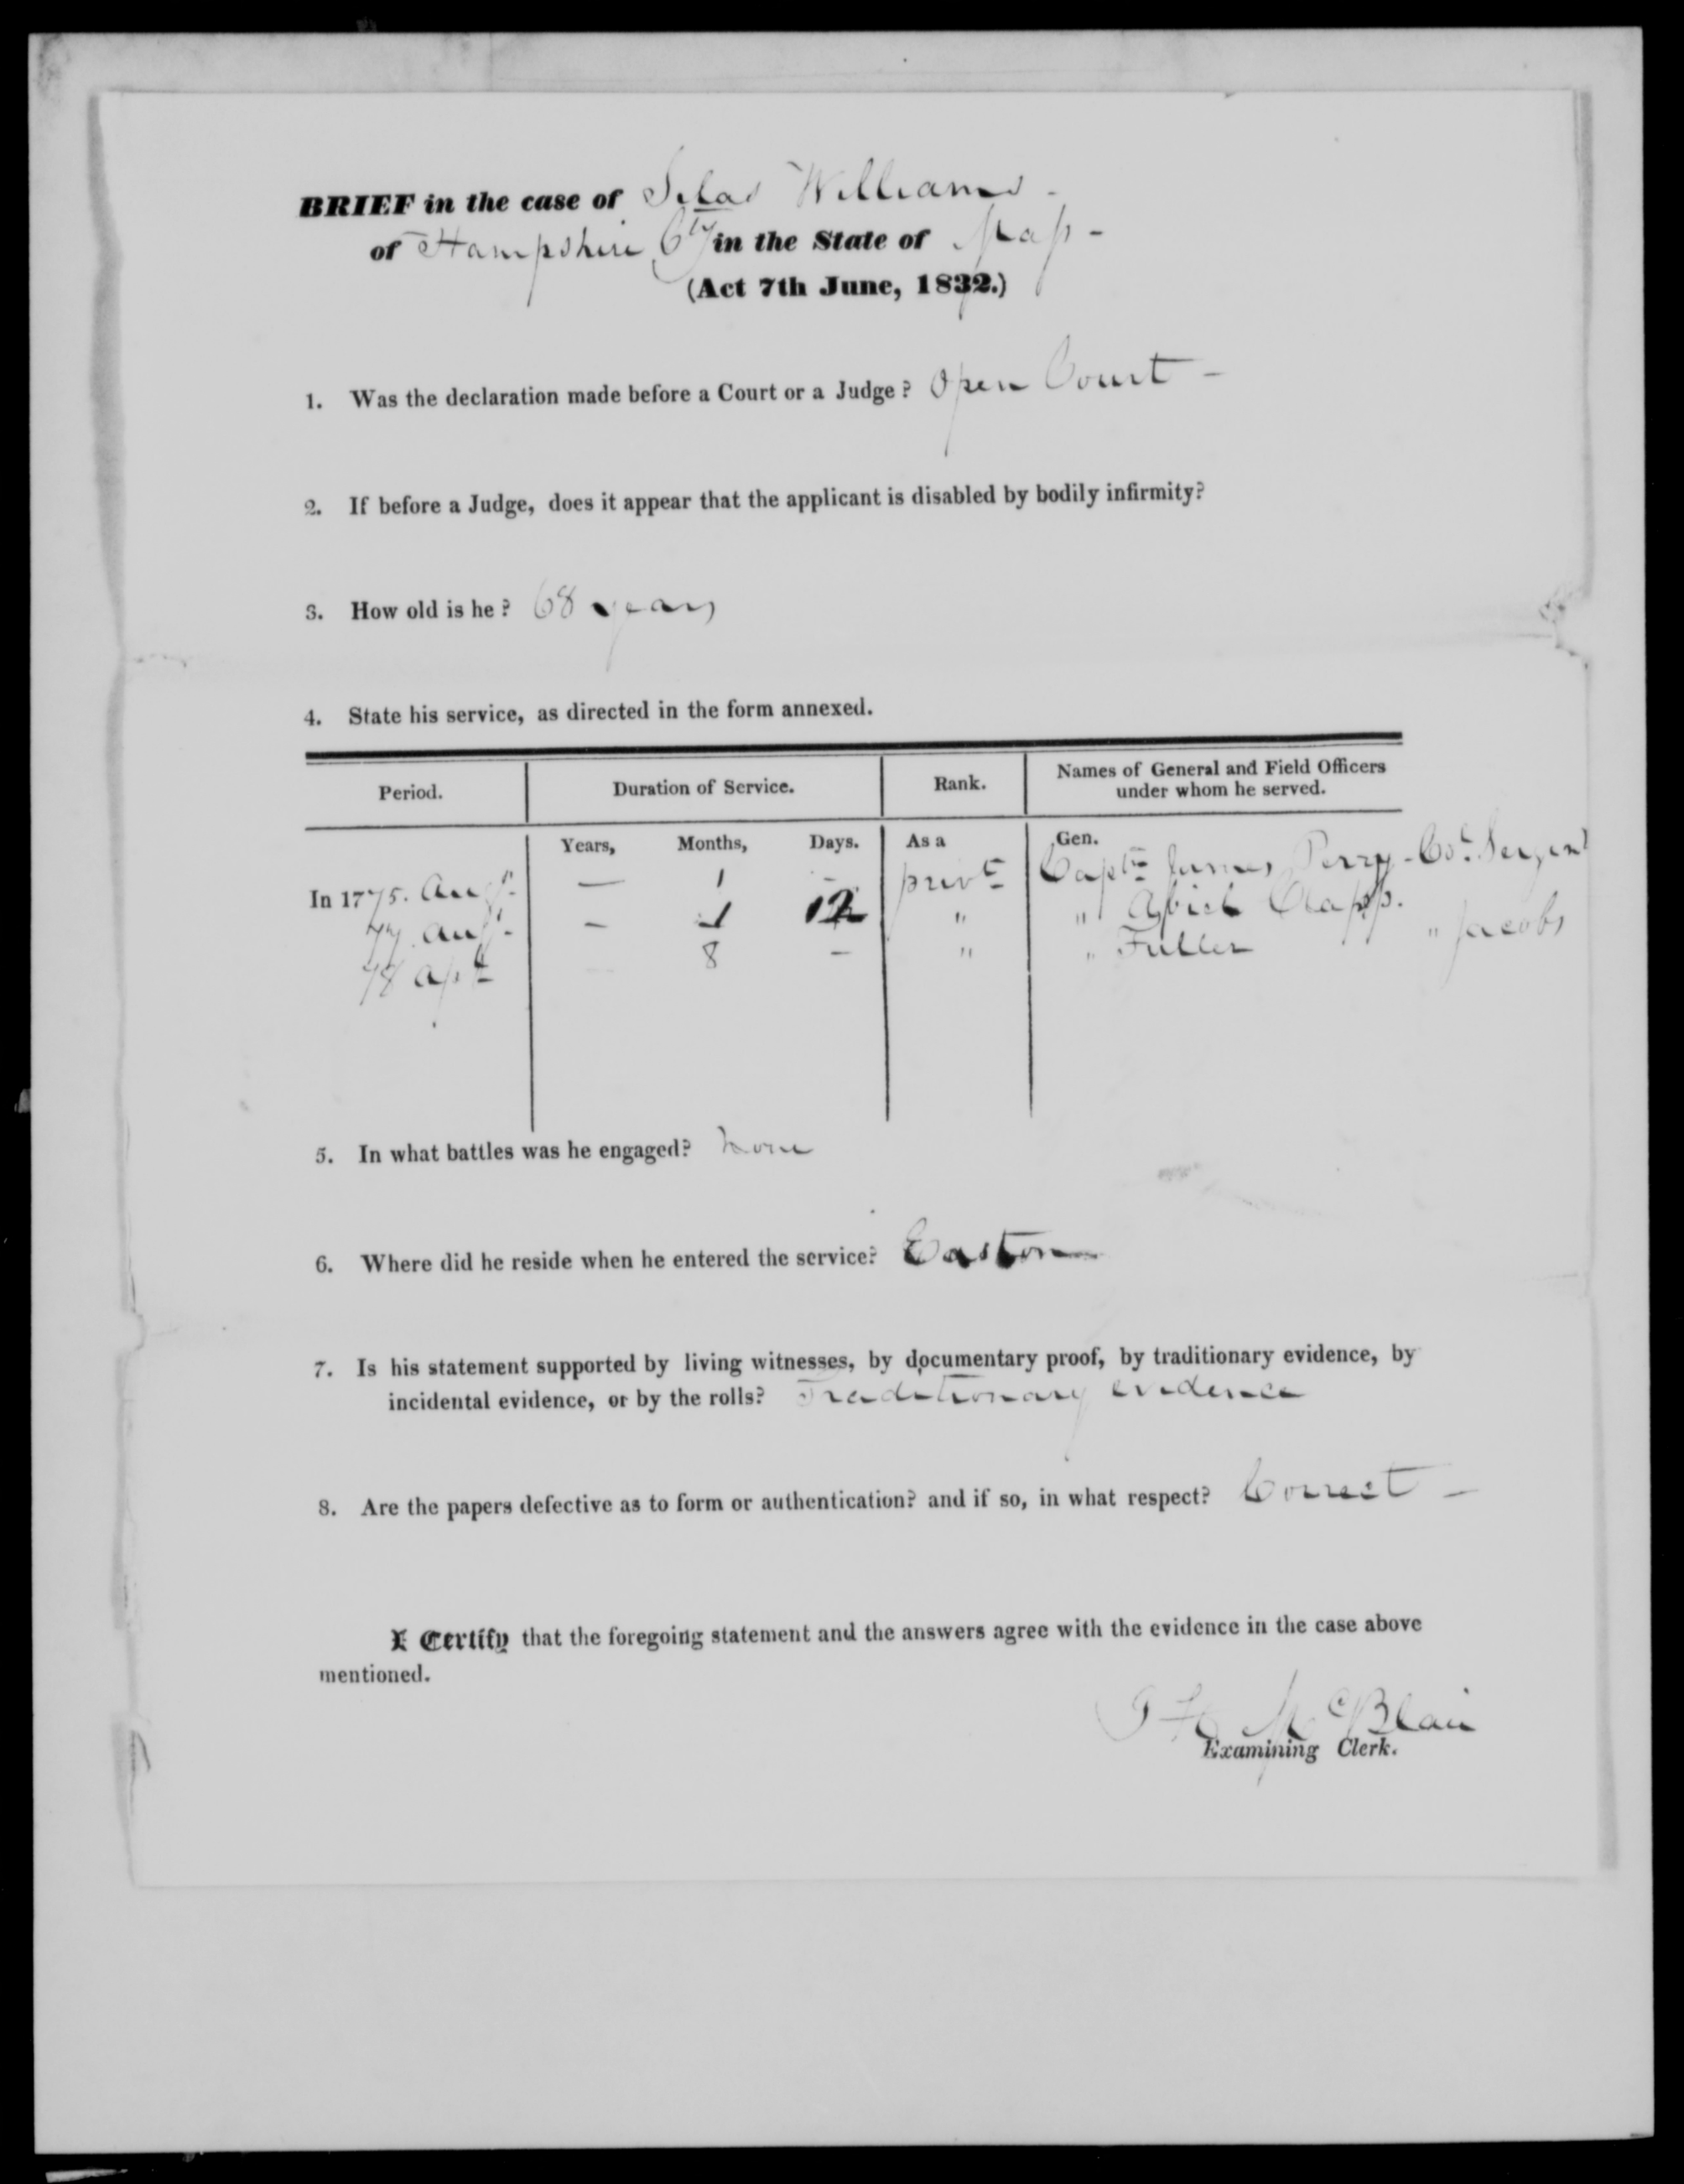BRIEF in the case of Silas Williams of Hampshire Cty in the state of Mass
(Act 7th June, 1832)
1.  Was the declaration made before a Court or a Judge? open court
2.  If before a Judge, does it appears that the applicant is disabled by boldiy infirmity?
3.  How old is he? 68 yeras
4.  State his service, as directed in the form annexed.
Period
In 1775 Aug
77 Aug
78 Aug

Duration
1 Month
1 Month 12 days
8 Months

Rank as a 
Privt
Privt
Privt

Names of General and Field Officers under whom he served. 
Gen. 
Capt James Perry Col Sergent
Capt Abiel Clapp
Capt Fuller Col Jacobs

5.  In what battles was he engaged? none
6.  Where did he reside when he entered the service? Easton 
7.  Is his statement supported by living witnesses, by documentary proof, by traditionary evidence, by incidental evidence, or by the rolls? Traditionary evidence
8.  Are the papers defective as to form or authentication? and if so, in what respect? Correct

I Certify that the foregoing statement and the answers agree with the evidence in the case above mentioned. 
TH McBlair
Examining Clerk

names: T H Mc Blair, Jacobs, Sergent, James Perry, Abiel Clapp, Fuller, Silas Williams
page: 4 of 20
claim: survivor's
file: S. 11778, Silas Williams, Mass.